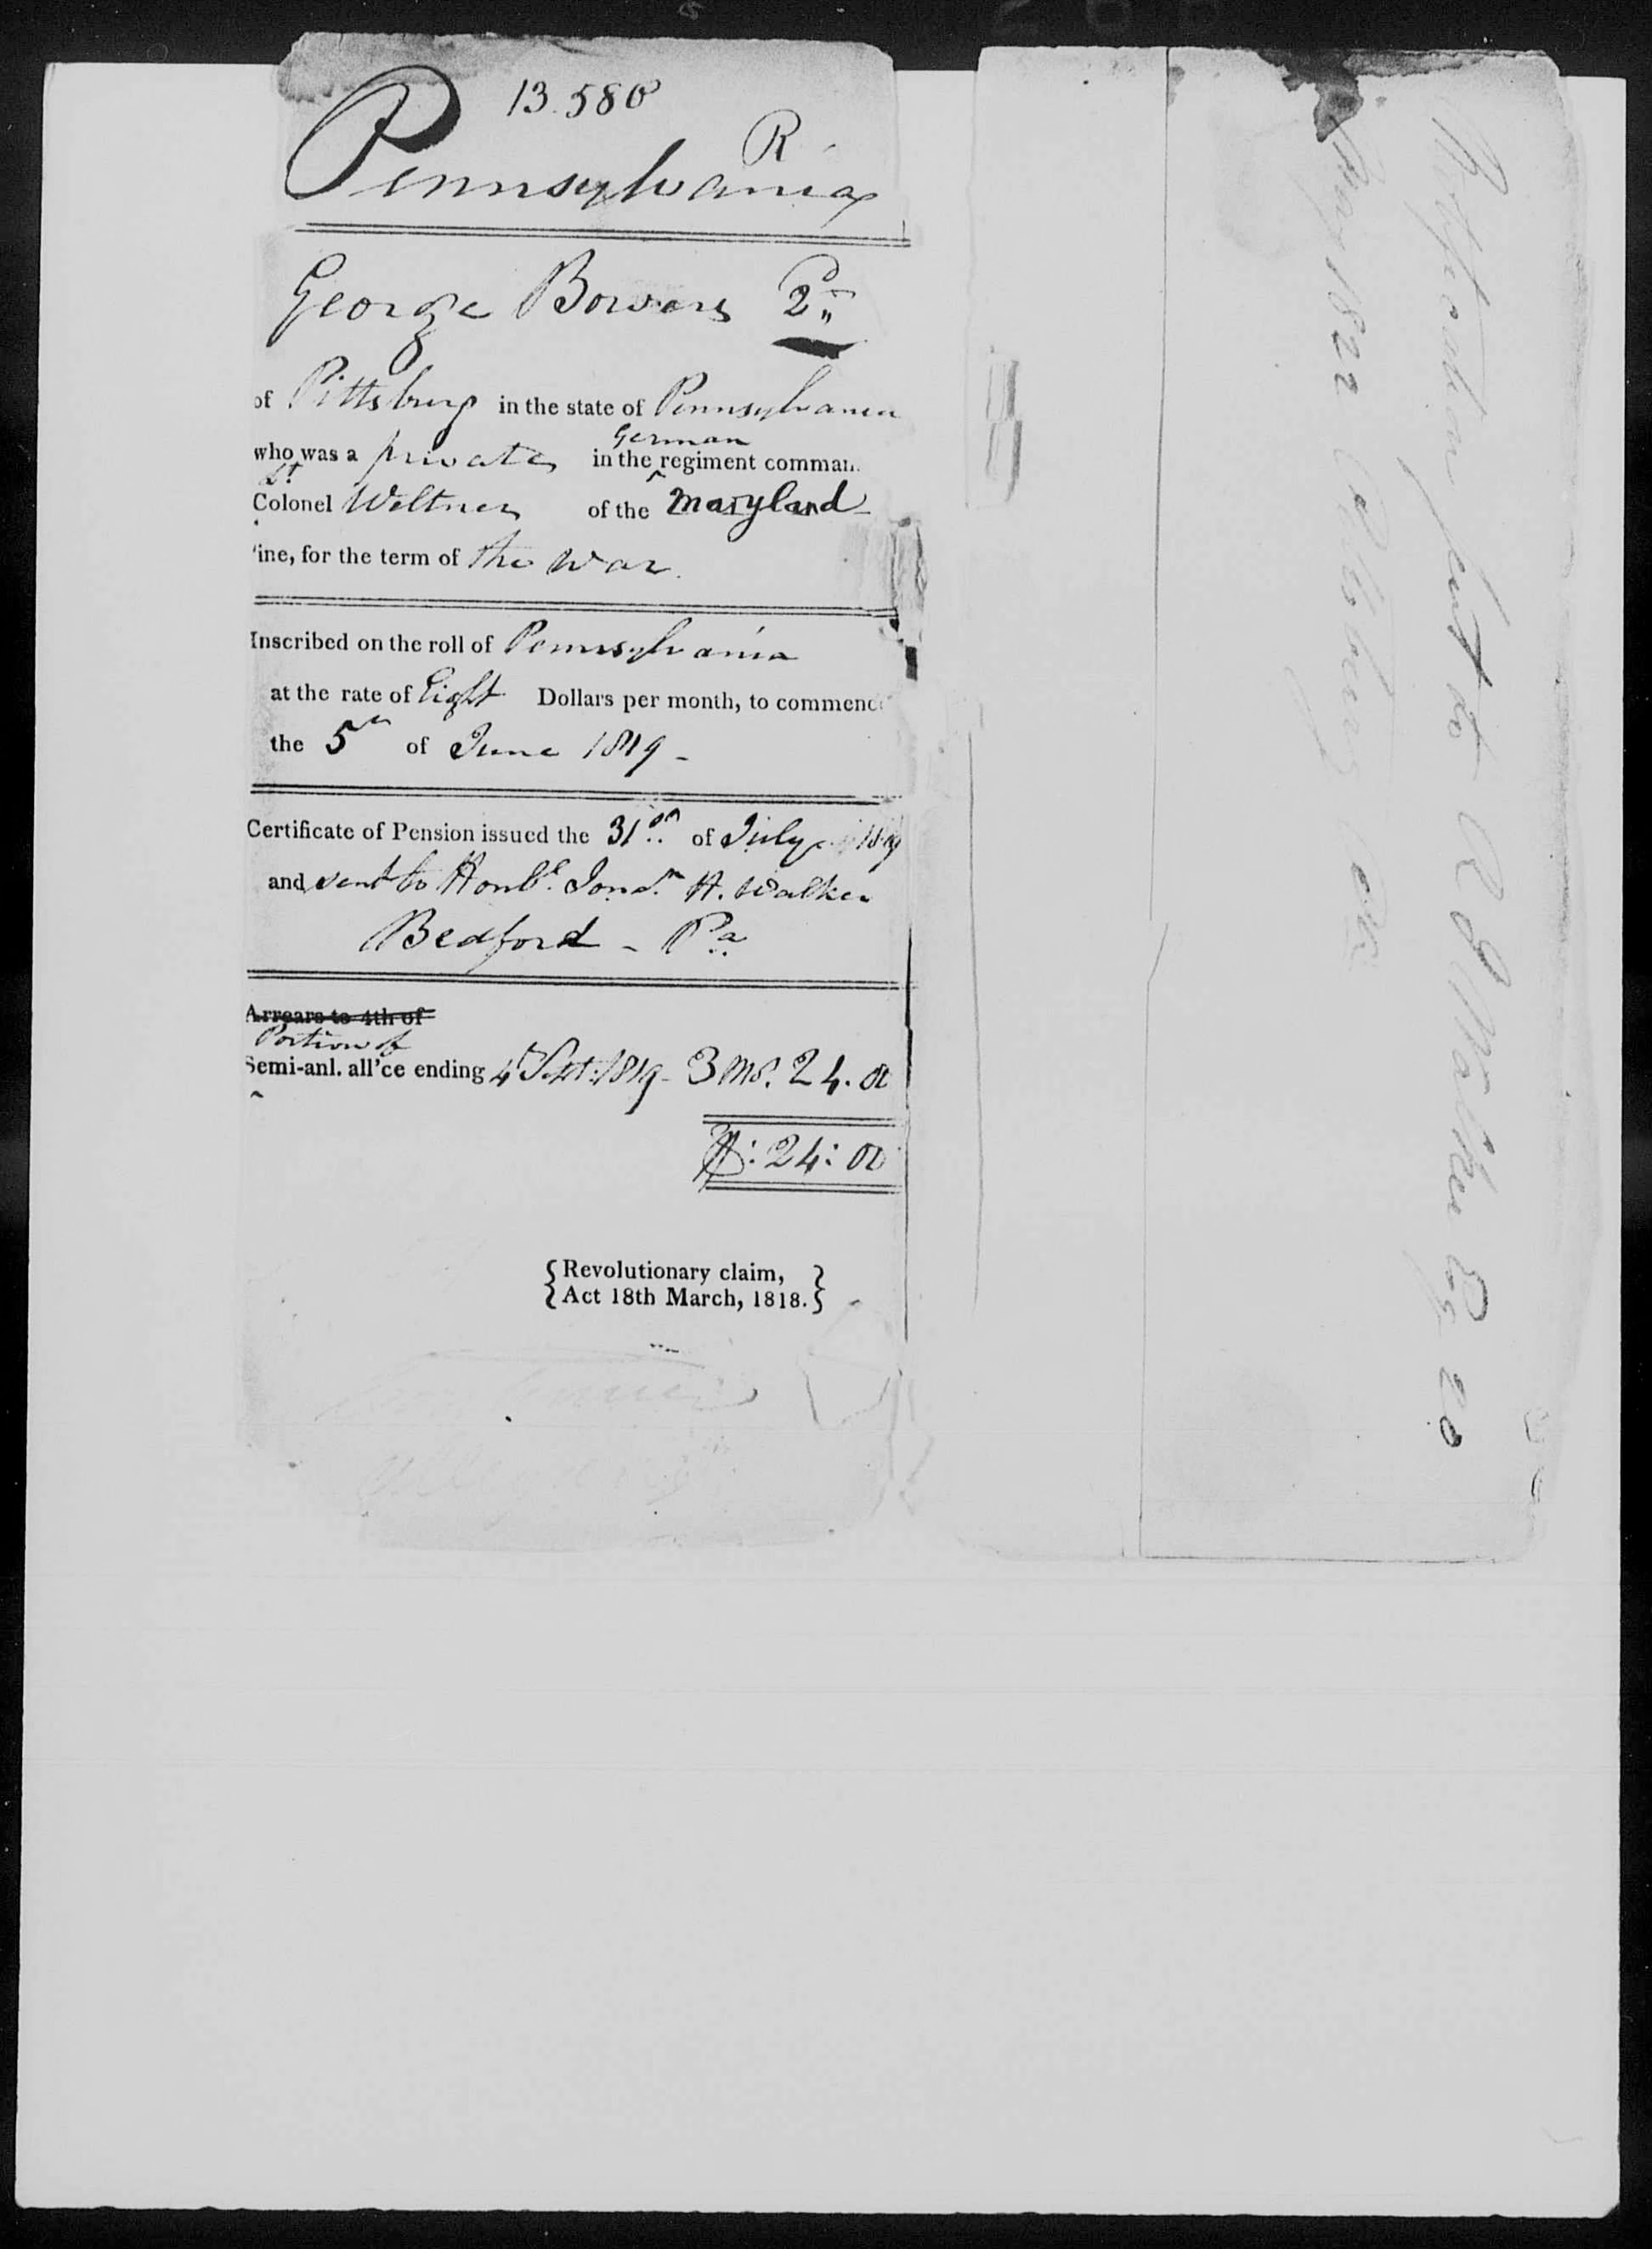[handwritten]
13.5880	
Pennsylvania R.
=============
George Bowers [illegible]
of Pittsburg in the state of Pennsylvania
who was a private in the ^German regiment command
Colonel Wiltner of the Maryland 
line, for the term of the war.
==============
Inscribed on the roll of Pennsylvania at the rate of Eight Dollars per month, to commence the 5th of June 1819
==============
Certificate of Pension issued the 31st of July 1819 and sent to Honbl. Jonath H. Walker
Bedford – Pa
==============
[struck out] [Arrears to 4th of ]
Portion of
Semi-anl all’ce ending 4th Sept. 1819 
3 mos. 24.00
==============
$24.00

{Revolutionary claim,
Act 18th March, 1818}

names: George Bowers, Weltner, Jonan H Walker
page: 2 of 19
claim: survivor's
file: S. 40,018, George Bowers, Md